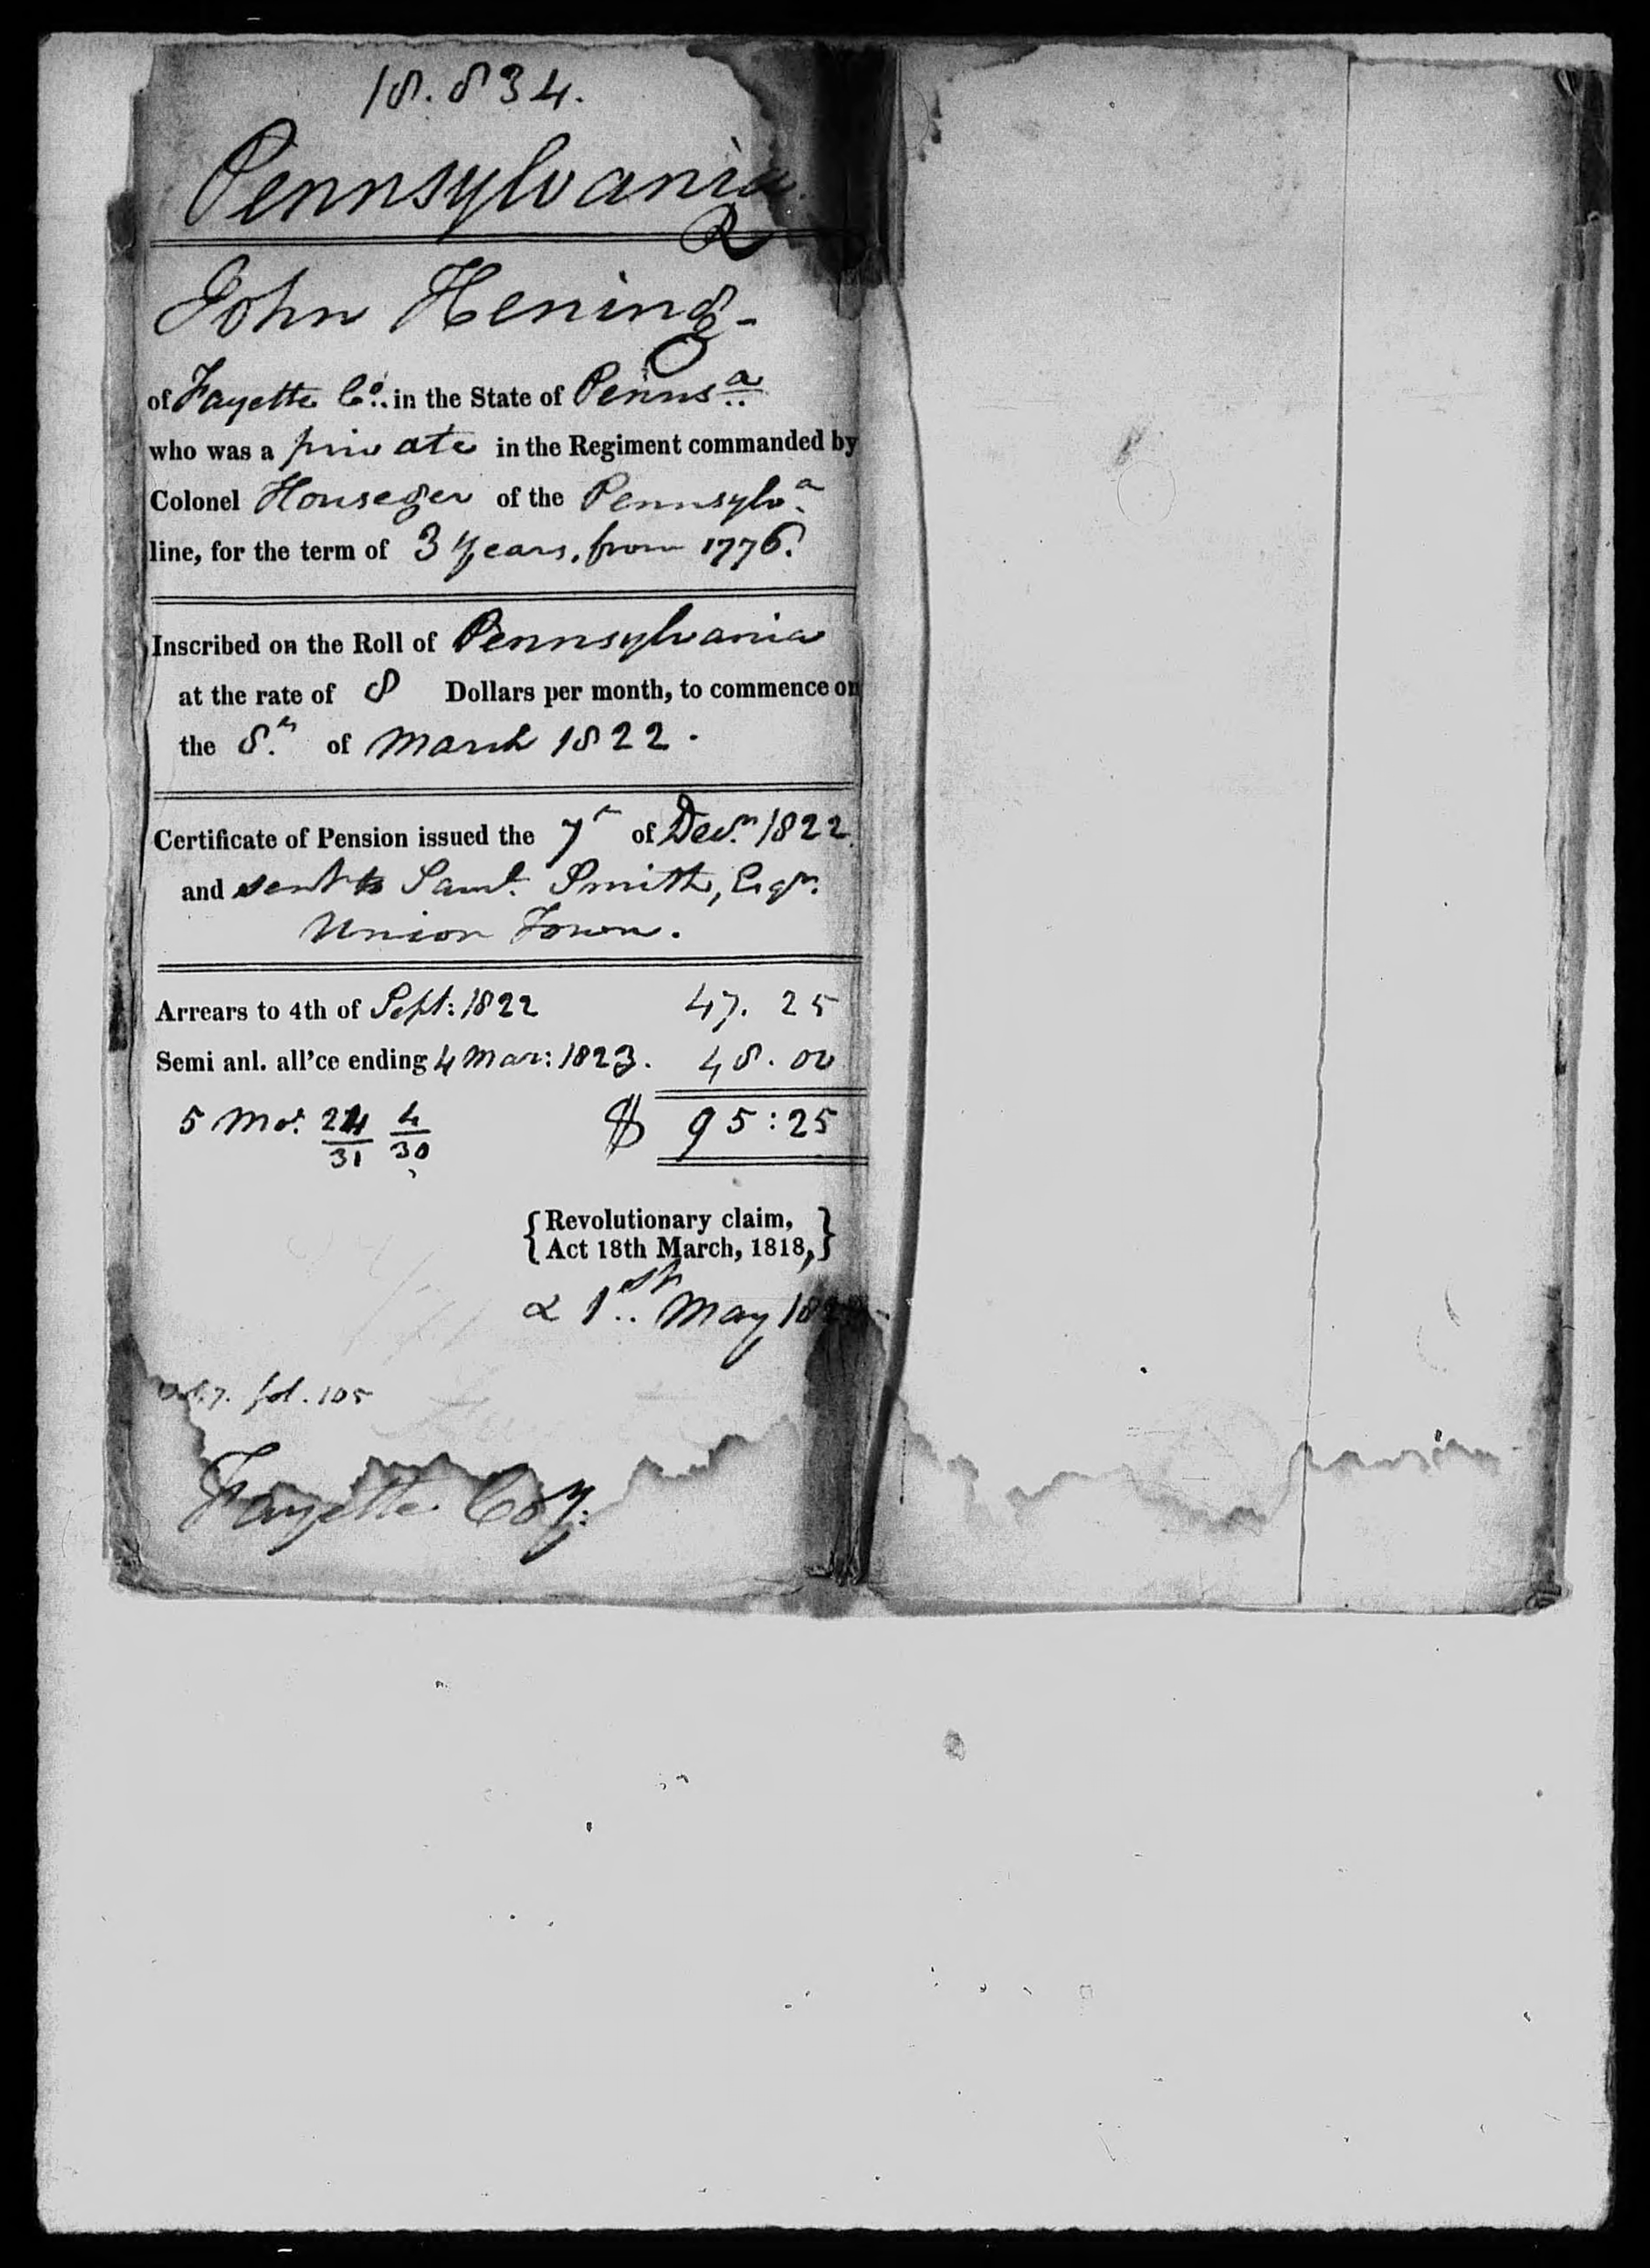18.834.
Pennsylvania
R.
John Hening
of Fayette Co. in the State of Pennsa who was a private in the Regiment commanded by Colonel Housger of the Pennsylva line, for the term of 3 years, from 1776.
Inscribed on the Roll of Pennsylvania at the rate of 8 Dollars per month, to commence on the 8th of March 1822.
Certificate of Pension issued the 7th of Decm 1822 and sent to Saml. Smith, Esq. Union Town.
Arrears to 4th of Sept, 1822   47.25
Semi anl. all'ce ending 4 Mar. 1823  48.00
5 Mos. 23/31 4/30   $95.25
{Revolutionary claim, Act 18th March, 1818}
21st May, 18[blacked out]
[illegible] 105
Fayette Coy.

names: Housezer, John Hening, Saml Smith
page: 2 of 15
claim: survivor's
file: S. 39677, John Hening, Continental (Penn.)